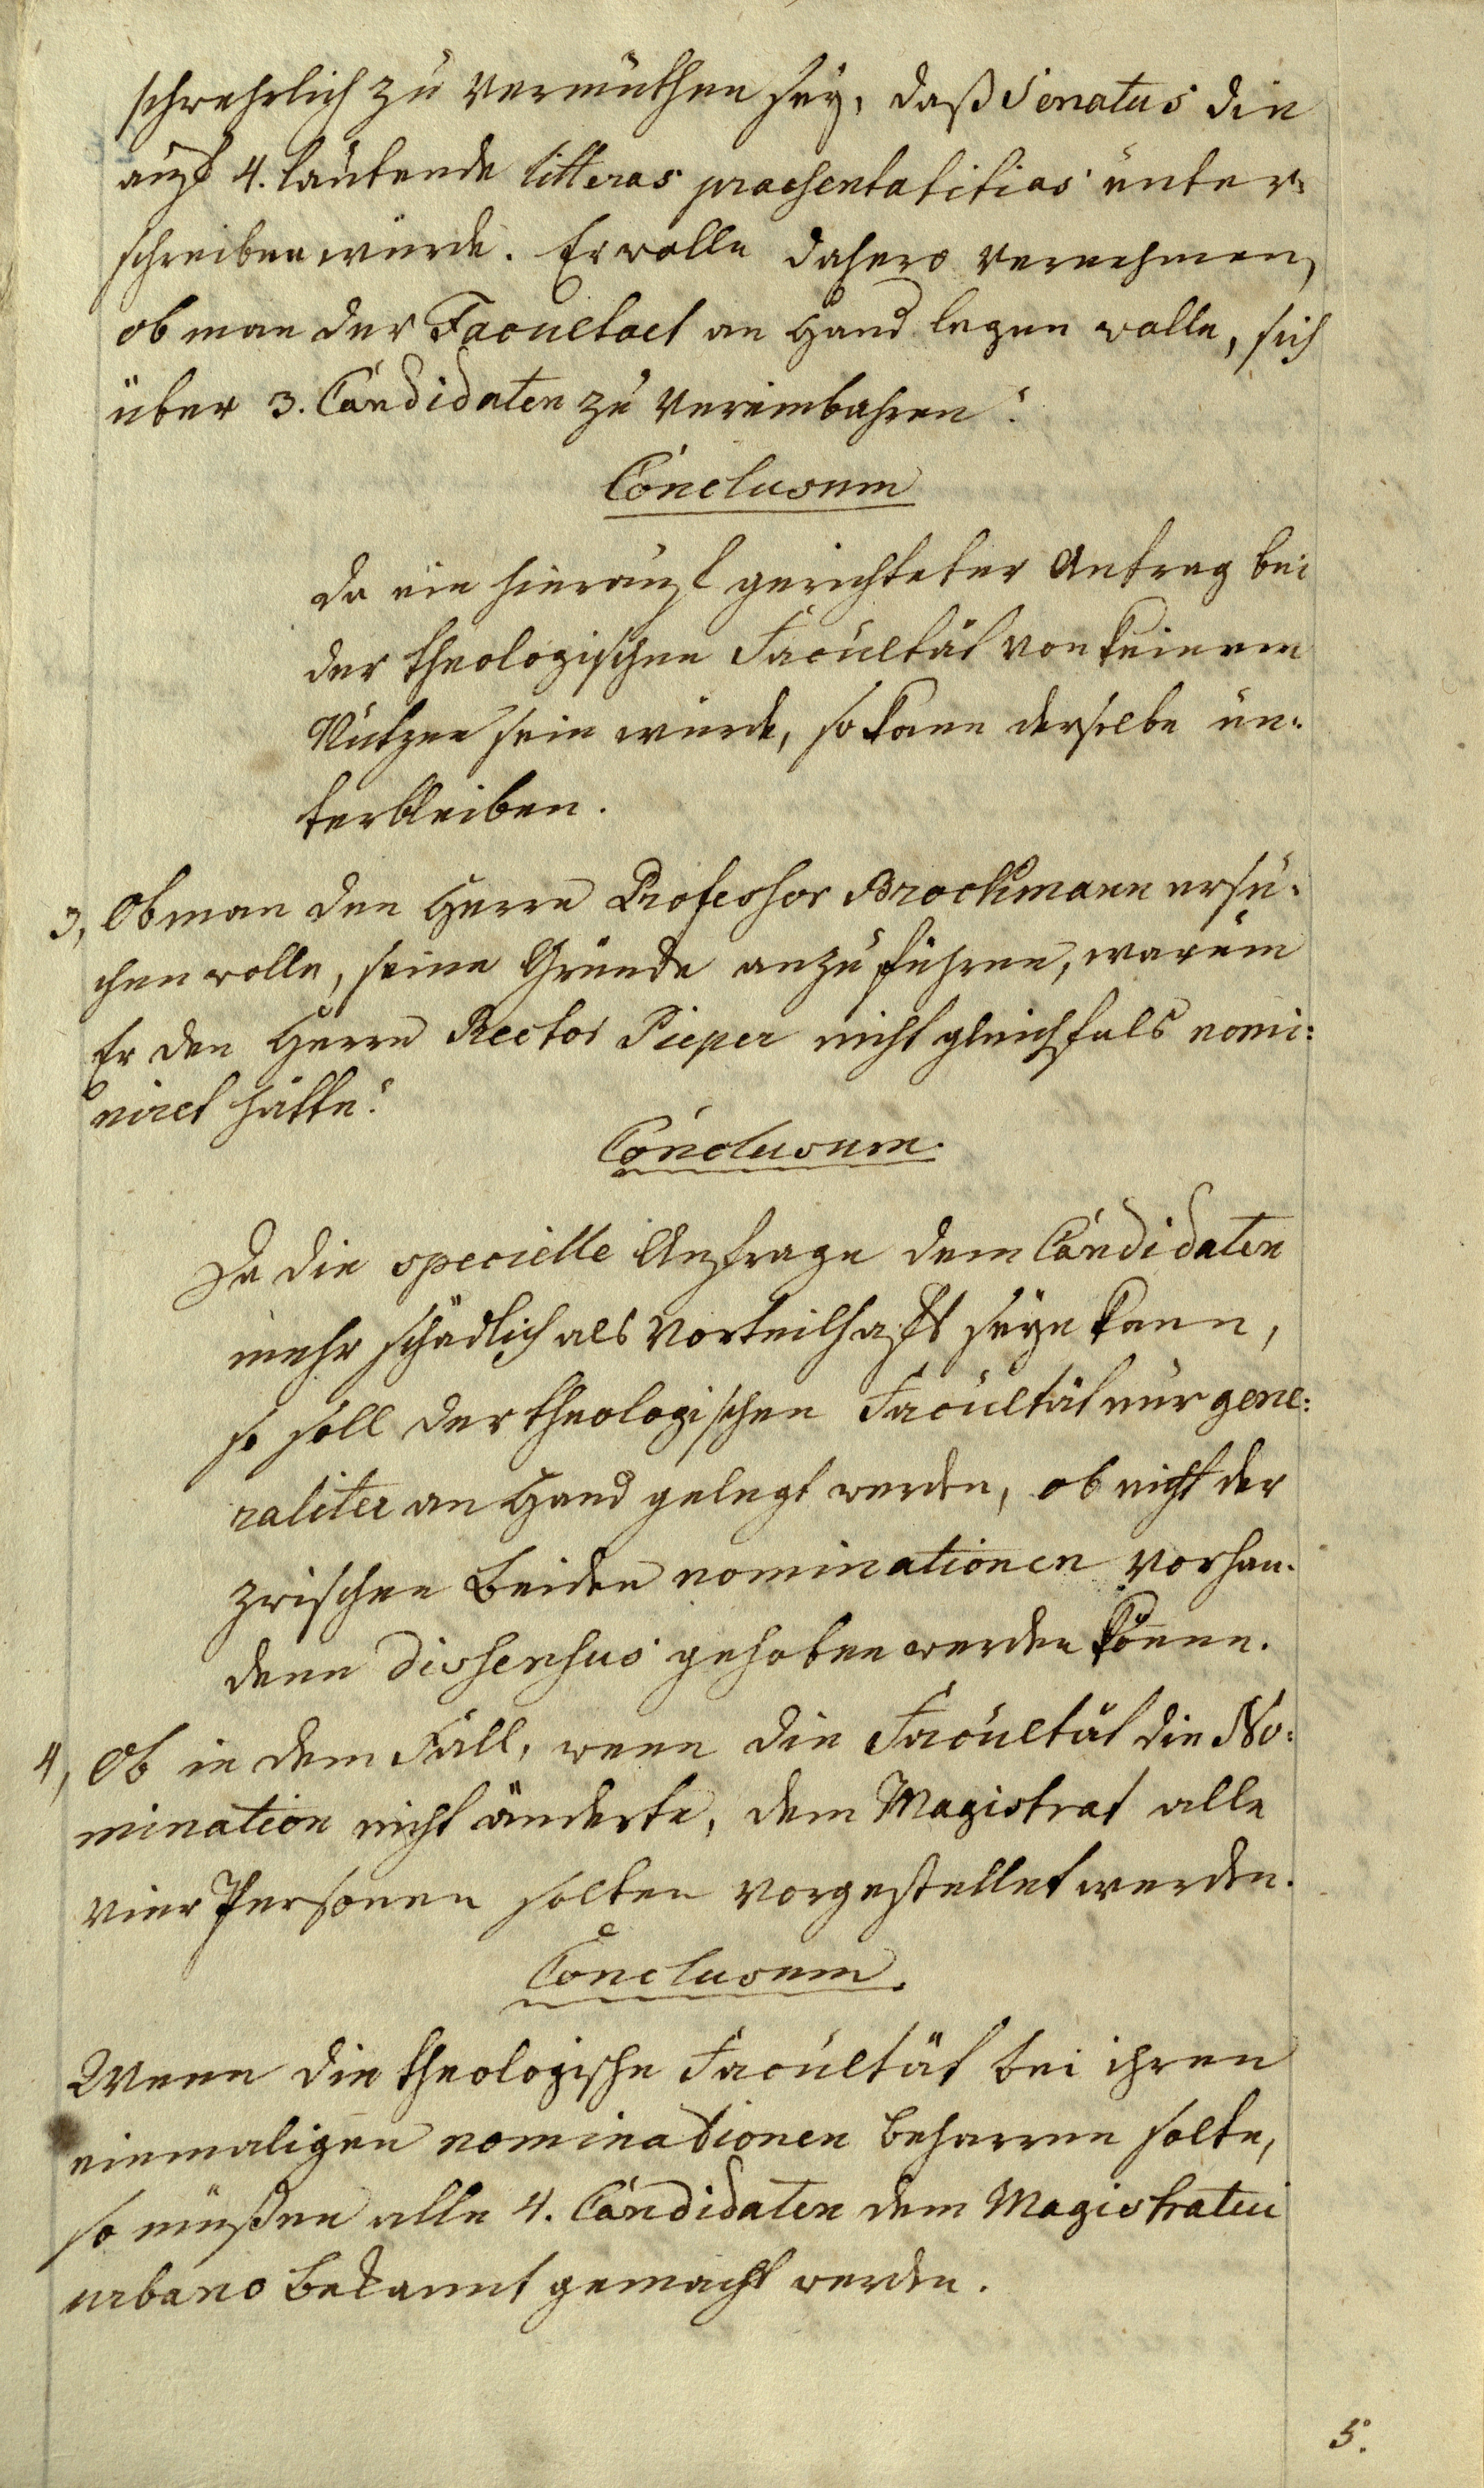schwehrlich zu vermuthen seÿ, daß Senatus die
auf 4. lautende litteras praesentatitias unter¬
schreiben würde. Er wolle dahero vernehmen,
ob man der Facultaet an Hand legen wolle, sich
über 3. Candidaten zu vereinbahren?
Conclusum
Da ein hierauf gerichteter Antrag bei
der theologischen Facultät von keinem
Nutzen sein würde, so kann derselbe un¬
terbleiben.
3, Ob man den Herrn Professor Brockmann ersu¬
chen wolle, seine Gründe anzuführen, warum
Er den Herrn Rector Pieper nicht gleichfals nomi¬
niret hätte?
Conclusum
Da die specielle Anfrage dem Candidaten
mehr schädlich als vorteilhaft seÿn kann,
so soll der theologischen Facultät nur gene¬
raliter an Hand gelegt werden, ob nicht der
zwischen Beiden nominationen vorhan¬
dene dissensus gehoben werden könne.
4, Ob in dem Fall, wenn die Facultät die No¬
mination nicht änderte, dem Magistrat alle
vier Personen solten vorgestellet werden.
Conclusum.
Wenn die theologische Facultät bei ihren
einmaligen nominationen beharren solte,
so müßen alle 4. Candidaten dem Magistratui
urbano bekannt gemacht werden.